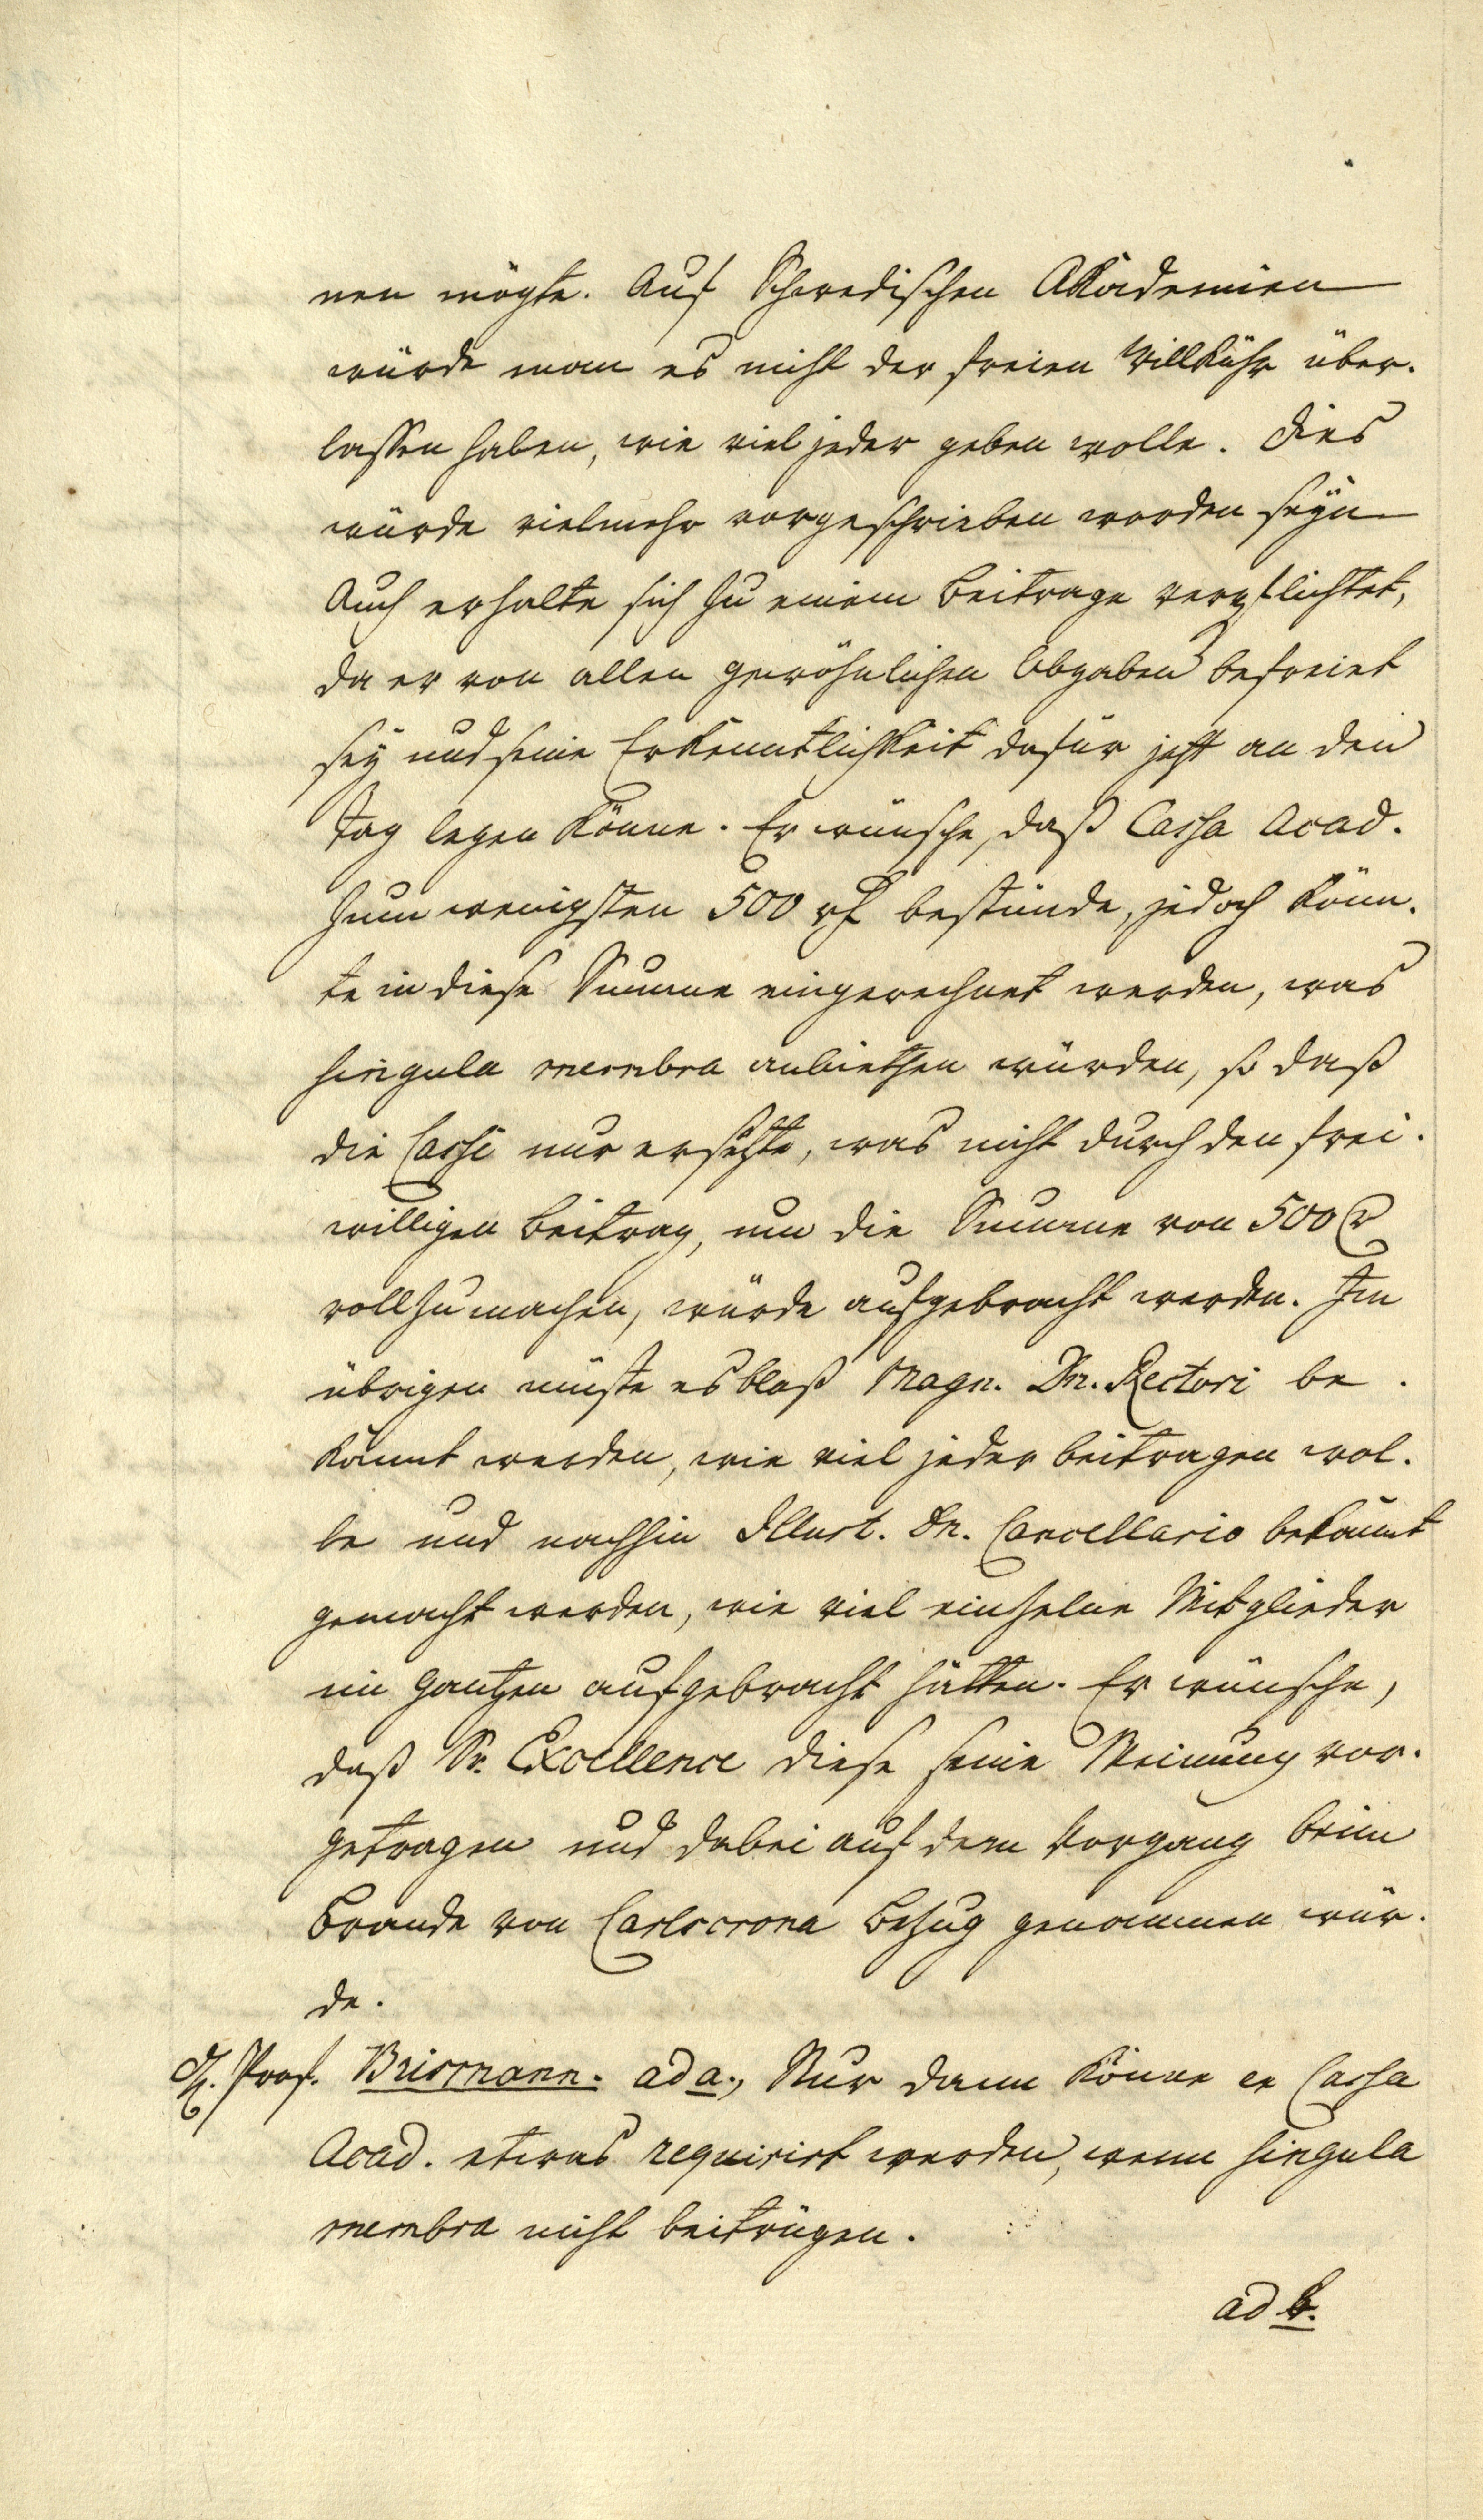nen mögte. Auf Schwedischen Akademien
würde man es nicht der freien Willkühr über-
lassen haben, wie viel jeder geben wolle. Dies
würde vielmehr vorgeschrieben worden seyn.
Auch er halte sich zu einem Beitrage verpflichtet,
da er von allen gewöhnlichen Abgaben befreiet
sey und seine Erkenntlichkeit dafür jetzt an den
Tag legen könne. Er wünsche, daß Cassa Acad.
zum wenigsten 500 rth. bestünde, jedoch könn-
te in diese Summe eingerechnet werden, was
singula membra anbiethen würden, so daß
die Casse nur ersetzte, was nicht durch den frei-
willigen Beitrag, um die Summe von 500 rtl.
vollzumachen, würde aufgebracht werden. Im
übrigen müste es bloß Magn. Dn. Rectori be-
kannt werden, wie viel jeder beitragen wol-
le und nachhin Illust. Dn. Cancellario bekannt
gemacht werden, wie viel einzelne Mitglieder
im Gantzen aufgebracht hätten. Er wünsche,
daß Sr. Excellence diese seine Meinung vor-
getragen und dabei auf dem Vorgang
beim Brande von Carlscrona Bezug genommen wür-
de.
dh. Prof. Brismann. ad a.) Nur dann könne ex Cassa
Acad. etwas requirirt werden, wenn singula
membra nicht beitrügen.
ad b.